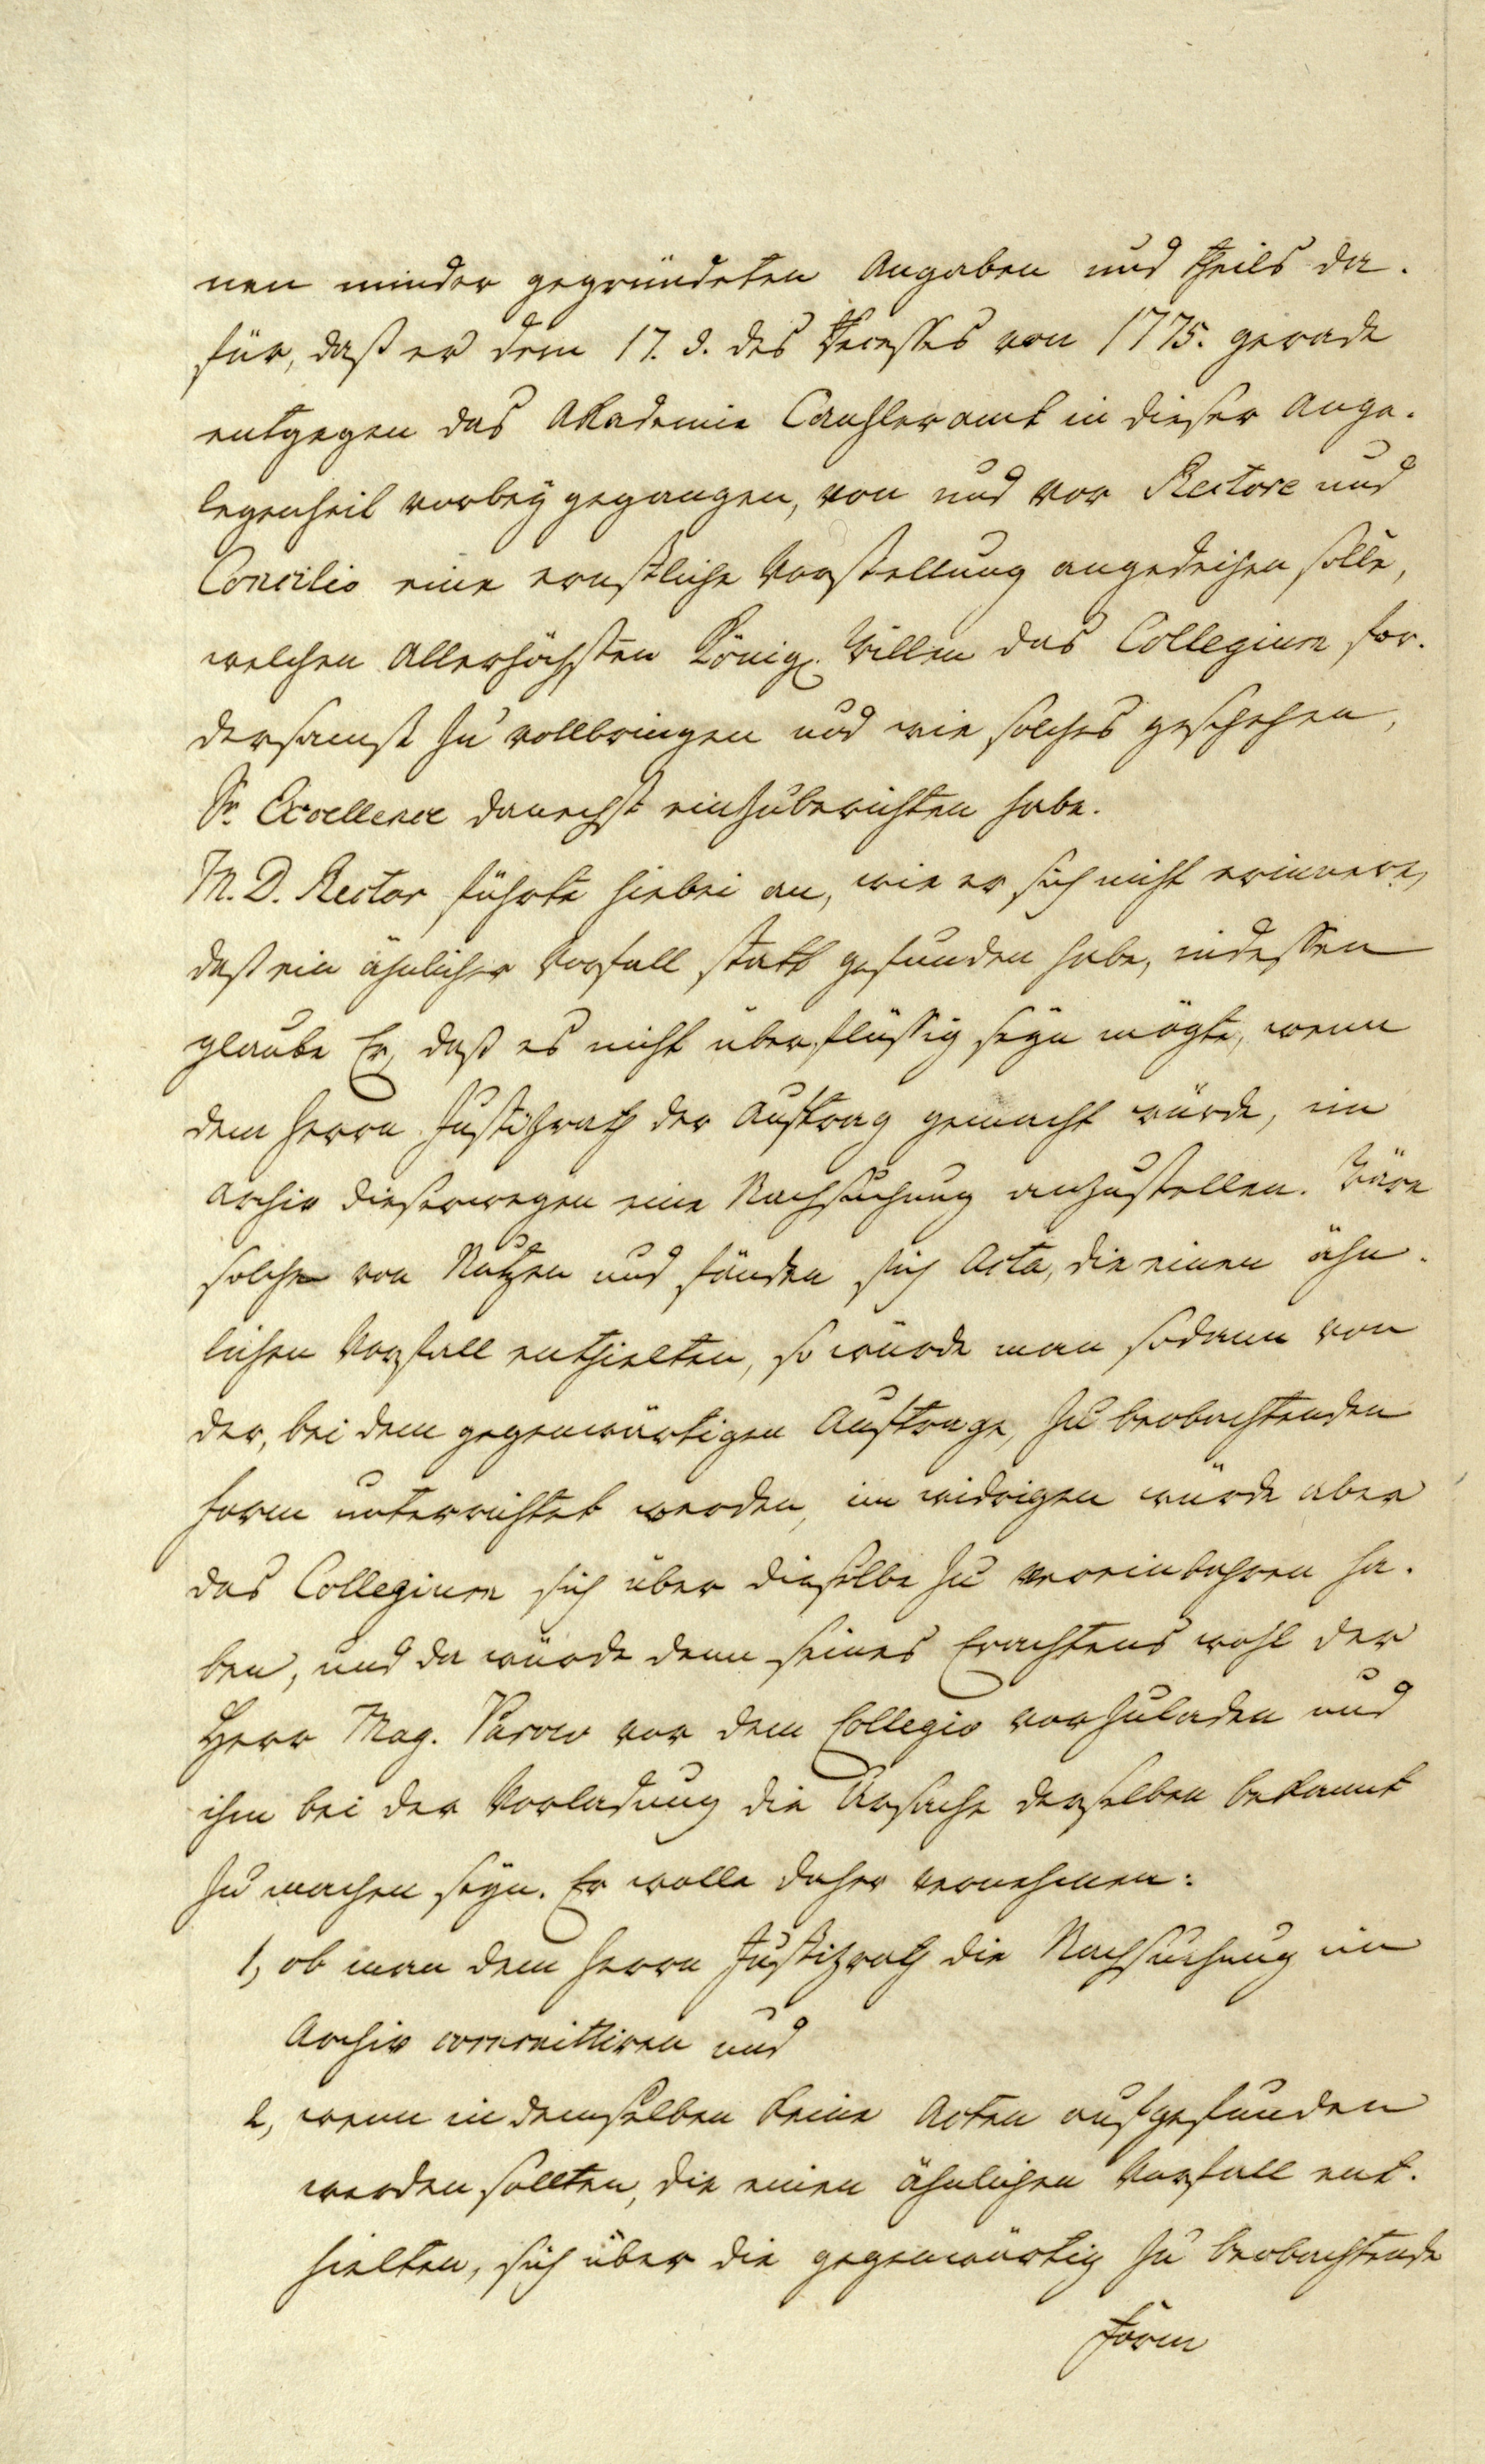nen minder begründeten Angaben und theils da¬
für, daß er dem 17. d. des Recesses von 1775. gerade
entgegen das Akademie Canzleramt in dieser Ange¬
legenheit vorbeÿ gegangen, von und vor Rectore und
Concilio eine ernstliche Vorstellung angedeihen solle,
welchen allerhöchsten Königl. Willen das Collegium for¬
dersamst zu vollbringen und wie solches geschehen,
Sr. Excellence danechst einzuberichten habe.
M. D. Rector führte hiebei an, wie er sich nicht erinnert,
daß ein ähnlicher Vorfall statt gefunden habe, indessen
glaube Er, daß es nicht überflüssig seÿn mögte, wenn
dem herrn Justizrath der Auftrag gemacht würde, im
Archiv dieserwegen eine Nachsuchung anzustellen. Wäre
solche von Nutzen und fänden sich Acta, die einen ähn¬
lichen Vorfall enthielten, so würde man sodann von
der, bei dem gegenwärtigen Auftrage zu beobachtenden
Form unterrichtet werden, im widrigen würde aber
das Collegium sich über dieselbe zu vereinbahren ha¬
ben, und da würde denn seines Erachtens wohl der
Herr Mag. Parow vor dem Collegio vorzuladen und
ihm bei der Vorladung die Ursache derselben bekannt
zu machen seÿn. Er wolle daher vernehmen:
1, ob inan dem herrn Justizrath die Nachsuchung im
Archiv commitiren und
2, wenn in demselben keine Acten aufgefunden
werden sollten, die einen ähnlichen Vorfall ent¬
hielten, sich über die gegenwärtig zu beobachtende
Form